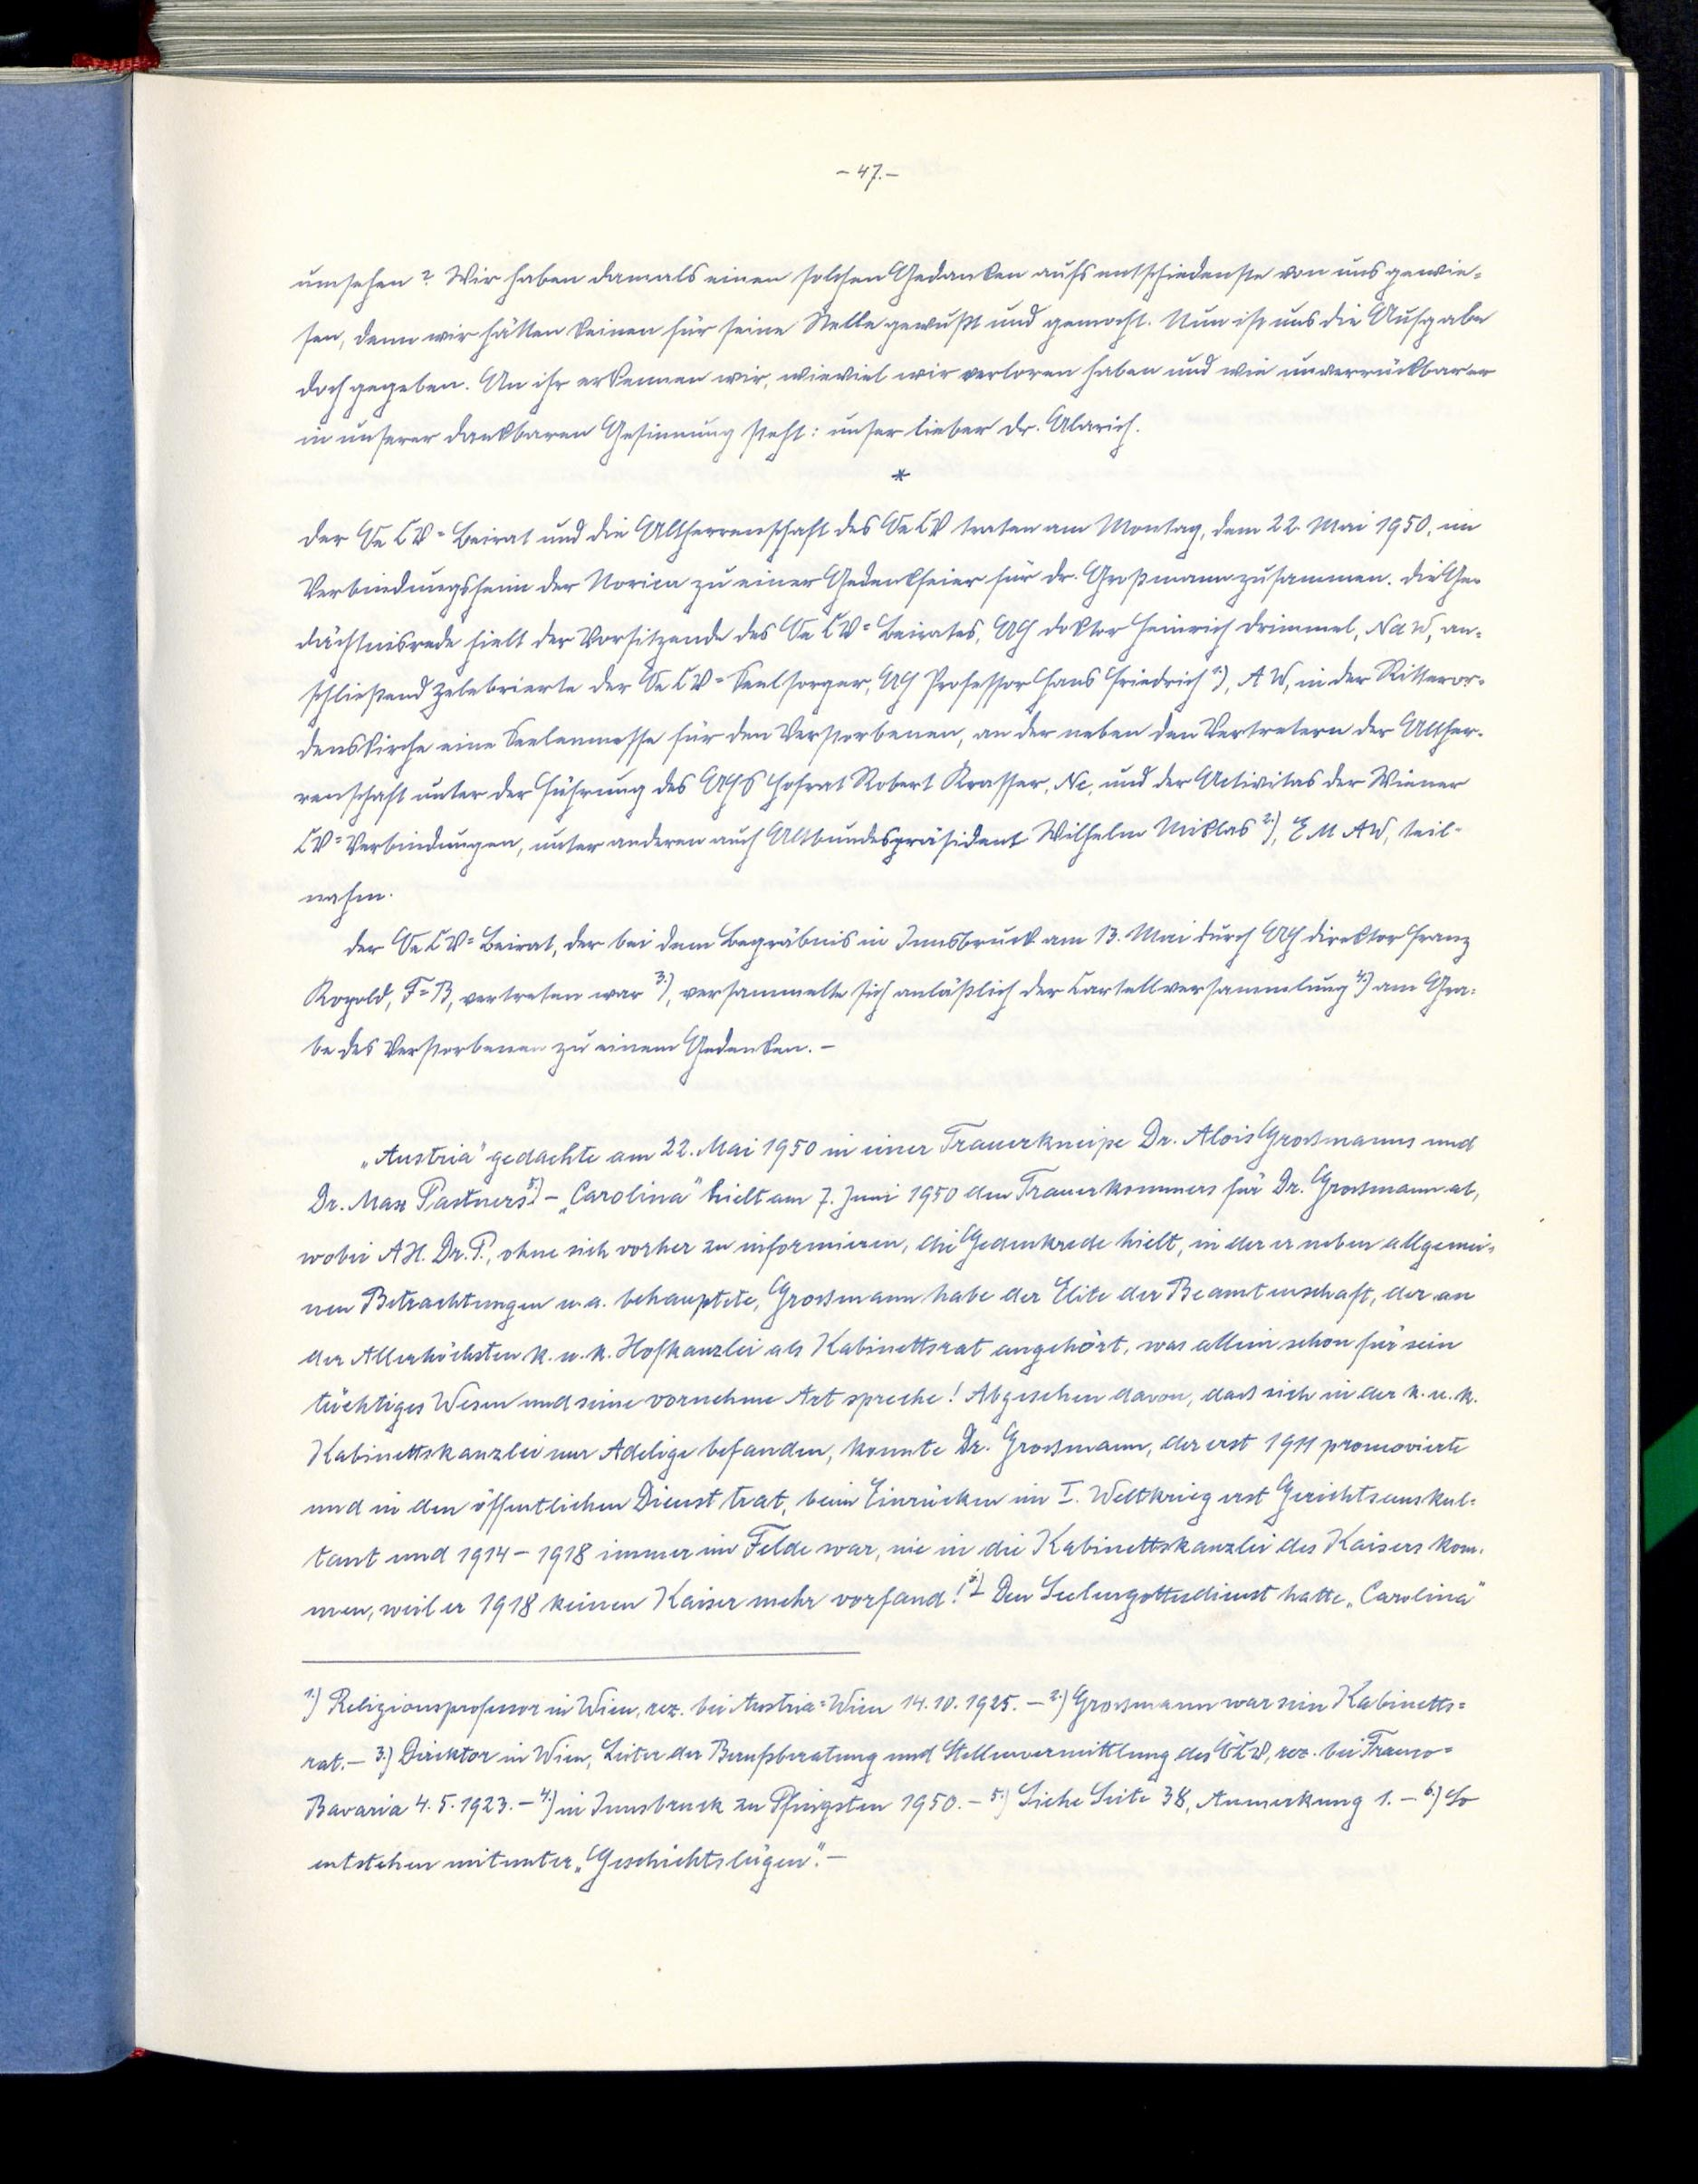47
umsehen? Wir haben damals einen solchen Gedanken aufs entschiedenste von uns gewie-
wiesen, denn wir hätten keinen für seine Stelle gewusst und gemocht. Nun ist uns die Aufgabe
doch gegeben. An ihr erkennen wir, wieviel wir verloren haben und wie unverrückbar er
in unserer dankbaren Gesinnung steht: unser lieber Dr. Alarich!
Der OeCV und die Altherrenschaft des OeCV traten am Montag, dem 2. Mai 1950, im
Verbindungsheim der Norica kann zu einer Gedenkfeier für Dr. Großmann zusammen. Die Ge-
dächtnisrede hielt der Vorsitzende des OeCV-Beirates, AH Dr. Heinrich Drimmel, NaW, an-
anschließend zelebrierte der OeCV-Seelsorger AH Professor Hans Friedrich 1), AW, in der Ritteror-
denskirche eine Seelenmesse für den Verstorbenen, an der neben den Vertretern der Alther-
renschaft unter der Führung der AHS Hofrat Robert Krasser,, Nc, und der Aktivitas der Wiener
CV-Verbindungen, unter anderen auch Altbundespräsident Wilhelm Miklas, EMAW, teil-
nahm.
Der OeCV-Beirat, der bei dem Begräbnis in Innsbruck am 13. Mai durch AH Direktor Franz
Ropold, F-B, vertreten war 3) versammelte sich anlässlich der Cartellversammlung 4) am Gra-
be des Verstorbenen zu einem Gedenken.-
„Austria“ gedachte am 2. Mai 1950 in einer Trauerkneipe Dr. Alois Großmann und
Dr. Max Pastners. 5) „Carolina“ hielt am 7. Juni 1950 den Trauerkommers für Dr. Großmann ab,
wobei AH Dr. P. ohne sich vorher zu informieren, die Grabrede hielt, in der er neben allgemei
nen Betrachtungen u. a. behauptete, Großmann habe der Elite der Beamtenschaft, der an
der Allerhöchsten k. u. k. Hofkanzlei als Kabinettsrat angehört, was allein schon für sein
tüchtiges Wesen und seine vornehme Art spreche! Abgesehen davon, dass sich in der k. u. k. .
Kabinettskanzlei nur Adelige befanden, konnte Dr. Großmann, der 1911 promovierte
und in den öffentlichen Dienst trat, beim Eindrücken im I. Weltkrieg erst Gerichtsauskul-
tant und 1914-1918 im Felde war, nie in die Kabinettskanzlei des Kaisers kom-
men, weil er 1918 keinen Kaiser mehr vorfand! 7) Den Seelengottesdienst hatte „Carolina“
1) Religionsprofessor in Wien, rez. bei Austria-Wien 14.10.1925.- 2) Großmann war nie Kabinetts-
rat.- 3) Direktor in Wien, Leiter der Berufsberatung und StellenVermittlung des OeCV, rez. bei
Franco- Bavaria 4.5.1923.- 4) In Innsbruck zu Pfingsten 1950.- 5) Siehe Seite 38 Anmerkung 1.- 6) So
entstehen mitunter „Geschichtslügen.“